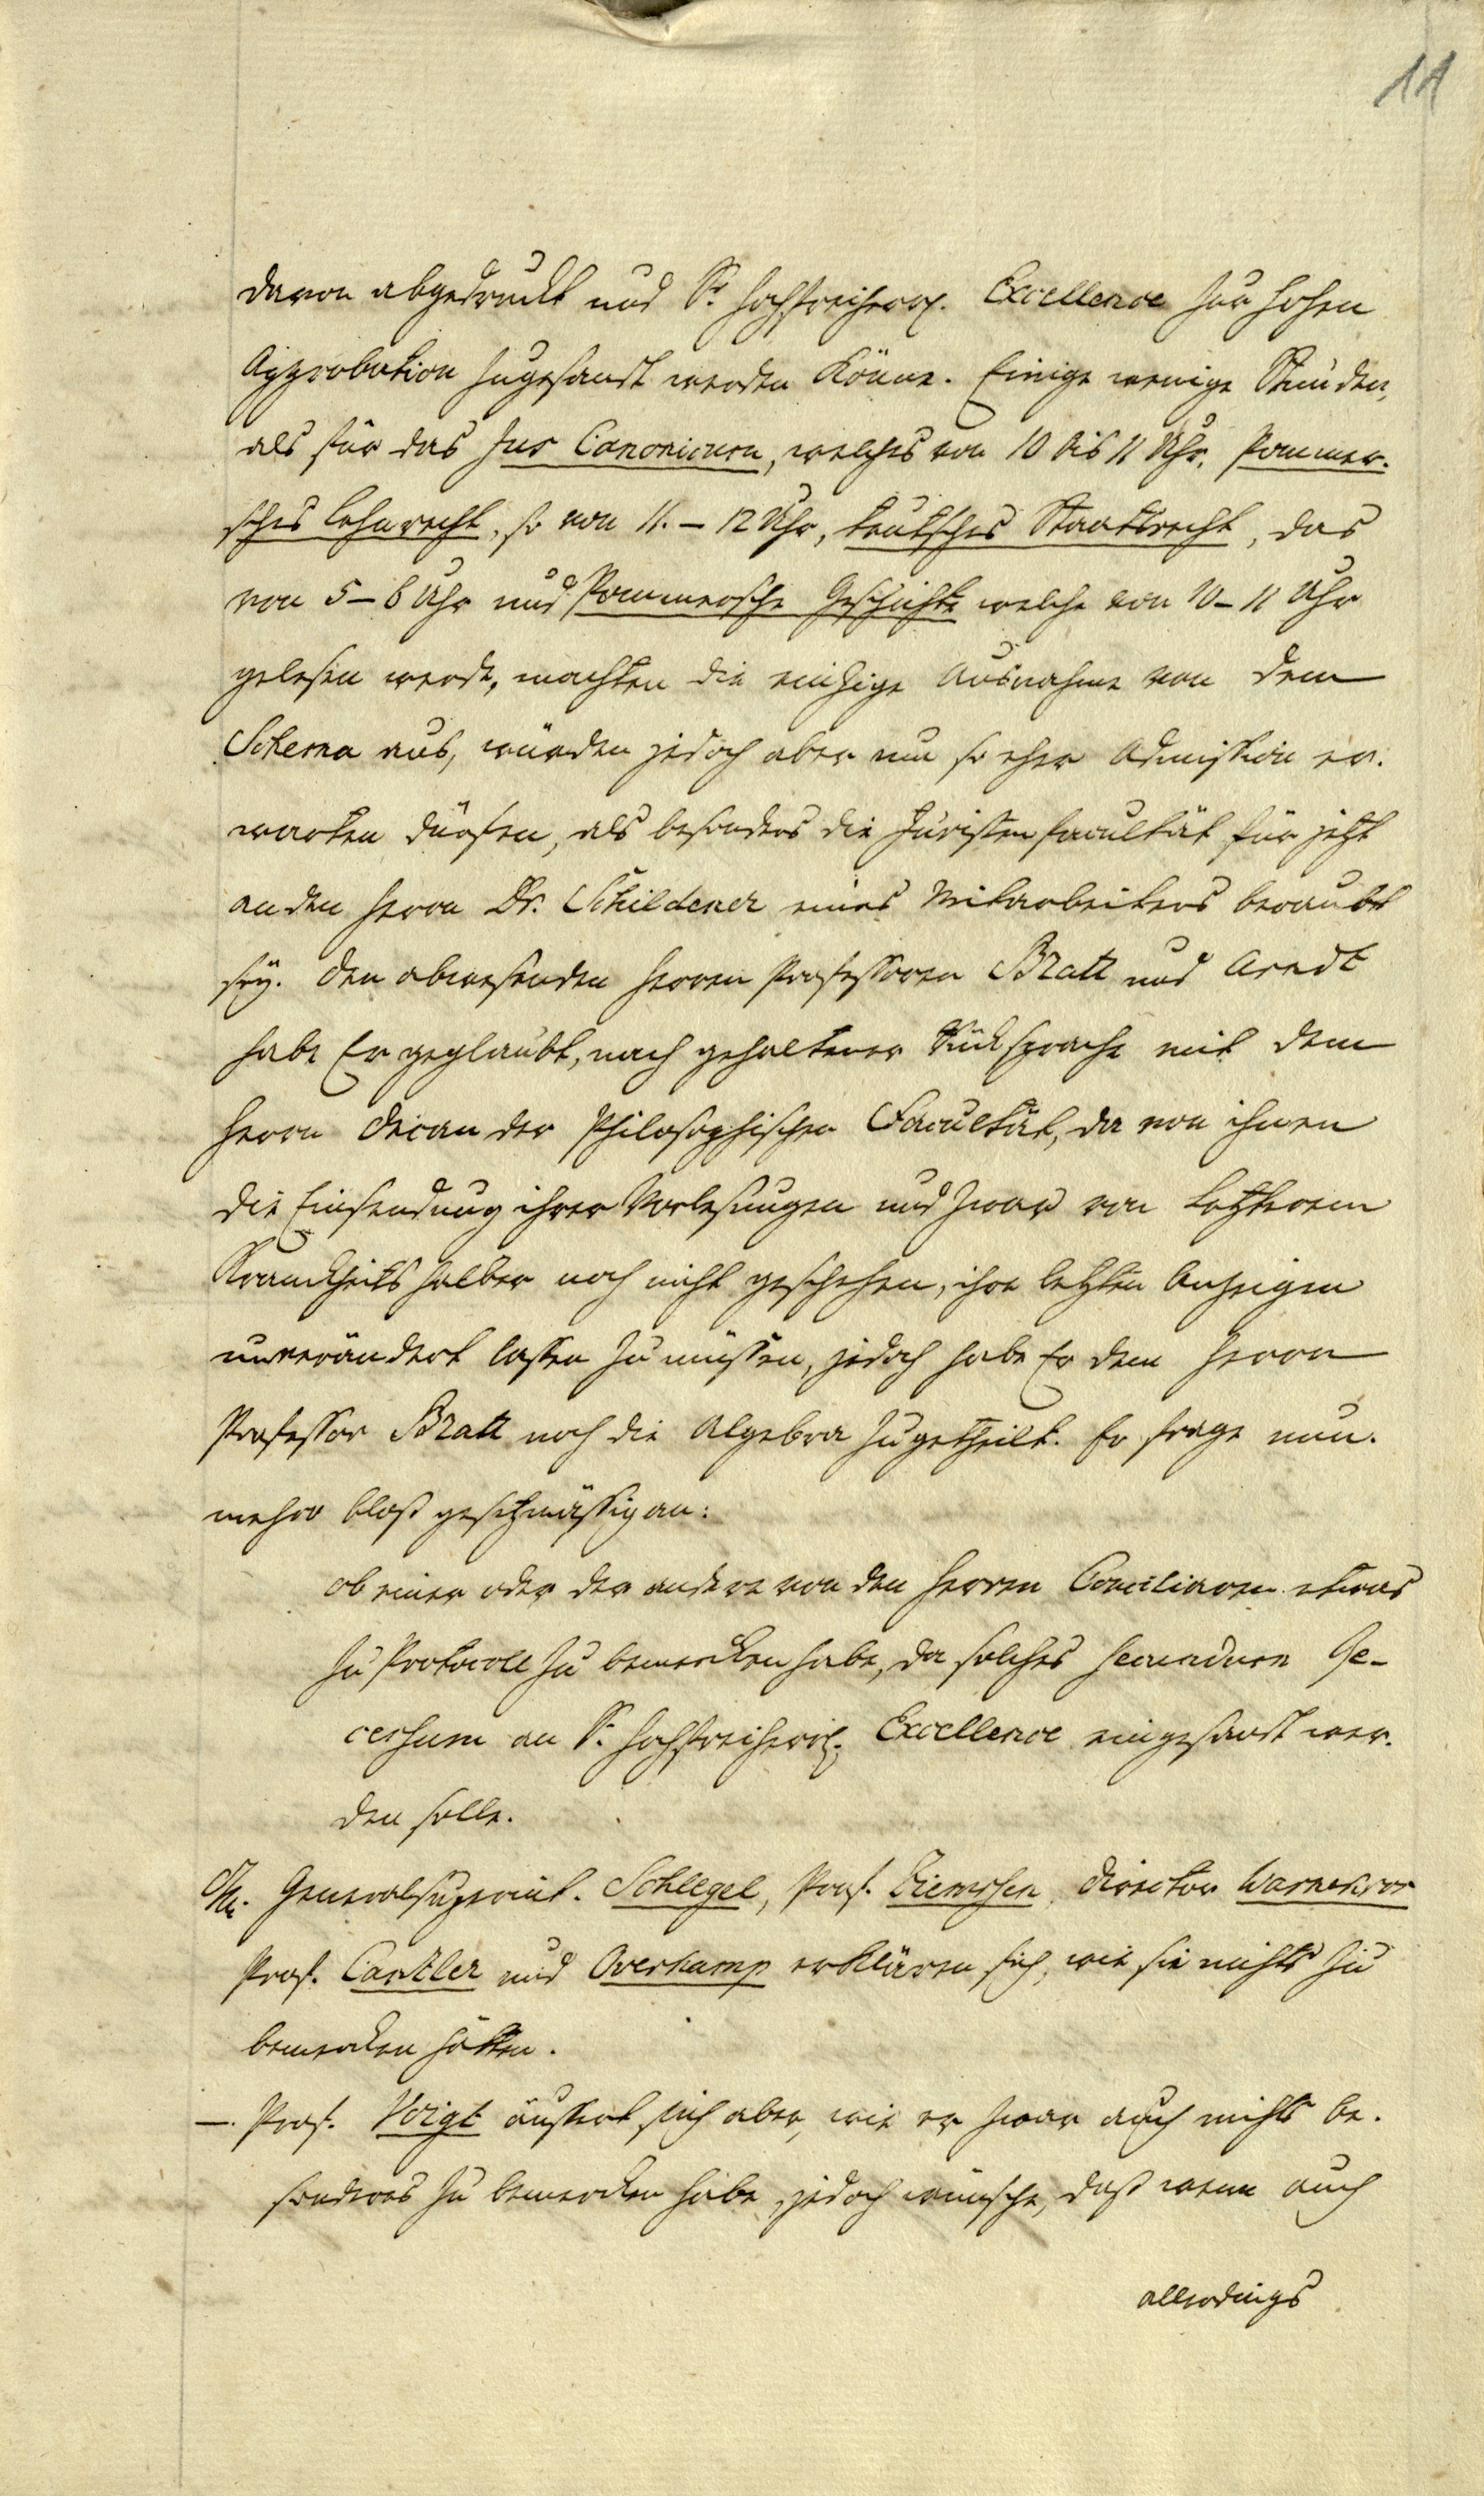davon abgedruckt und Sr. hochfreiherrl. Excellence zur hohen
Approbation zugesandt werden könne. Einige wenige Stunden,
als für das Jus Canonicum, welches von 10 bis 11 Uhr, Pommer¬
sches Lehnrecht, so von 11.-12 Uhr, teutsches Staatsrecht, das
von 5-6 Uhr und Pommersche Geschichte welche von 10-11 Uhr
gelesen werde, machten die einzige Ausnahme von dem
Schema aus, würden jedoch aber um so eher Admission er¬
warten dürfen, als besonders die Juristenfacultät für jetzt
an den herrn Dr. Schildener eines Mitarbeiters beraubet
seÿ. Den abwesenden Herren Professoren Bratt und Arndt
habe Er geglaubt, nach gehaltener Rücksprache mit dem
herrn Decan der Philosophischen Facultät, da von ihnen
die Einsendung ihrer Vorlesungen und zwar von letzterem
Krankheitshalber noch nicht geschehen, ihre letzten Anzeigen
unverändert lassen zu müssen, jedoch habe Er dem herrn
Professor Bratt noch die Algebra zugetheilt. Er fragt nun¬
mehro bloß gesetzmäßig an:
ob einer oder andere von den herrn Conciliaren etwas
zu Protocoll zu bemercken habe, da solches secundum Re¬
cessum an S. hochfreiherrl. Excellence eingesandt wer¬
den solle.
dh. Generalsuperint. Schlegel, Prof. Ziemssen, Director Warnekros
Prof. Canzler und Overkamp erklären sich, wie sie nichts zu
bemercken hätten.
Prof. Voigt äussert sich aber, wie er zwar auch nichts be¬
sonders zu bemercken habe, jedoch wünsche, daß wenn auch
allerdings